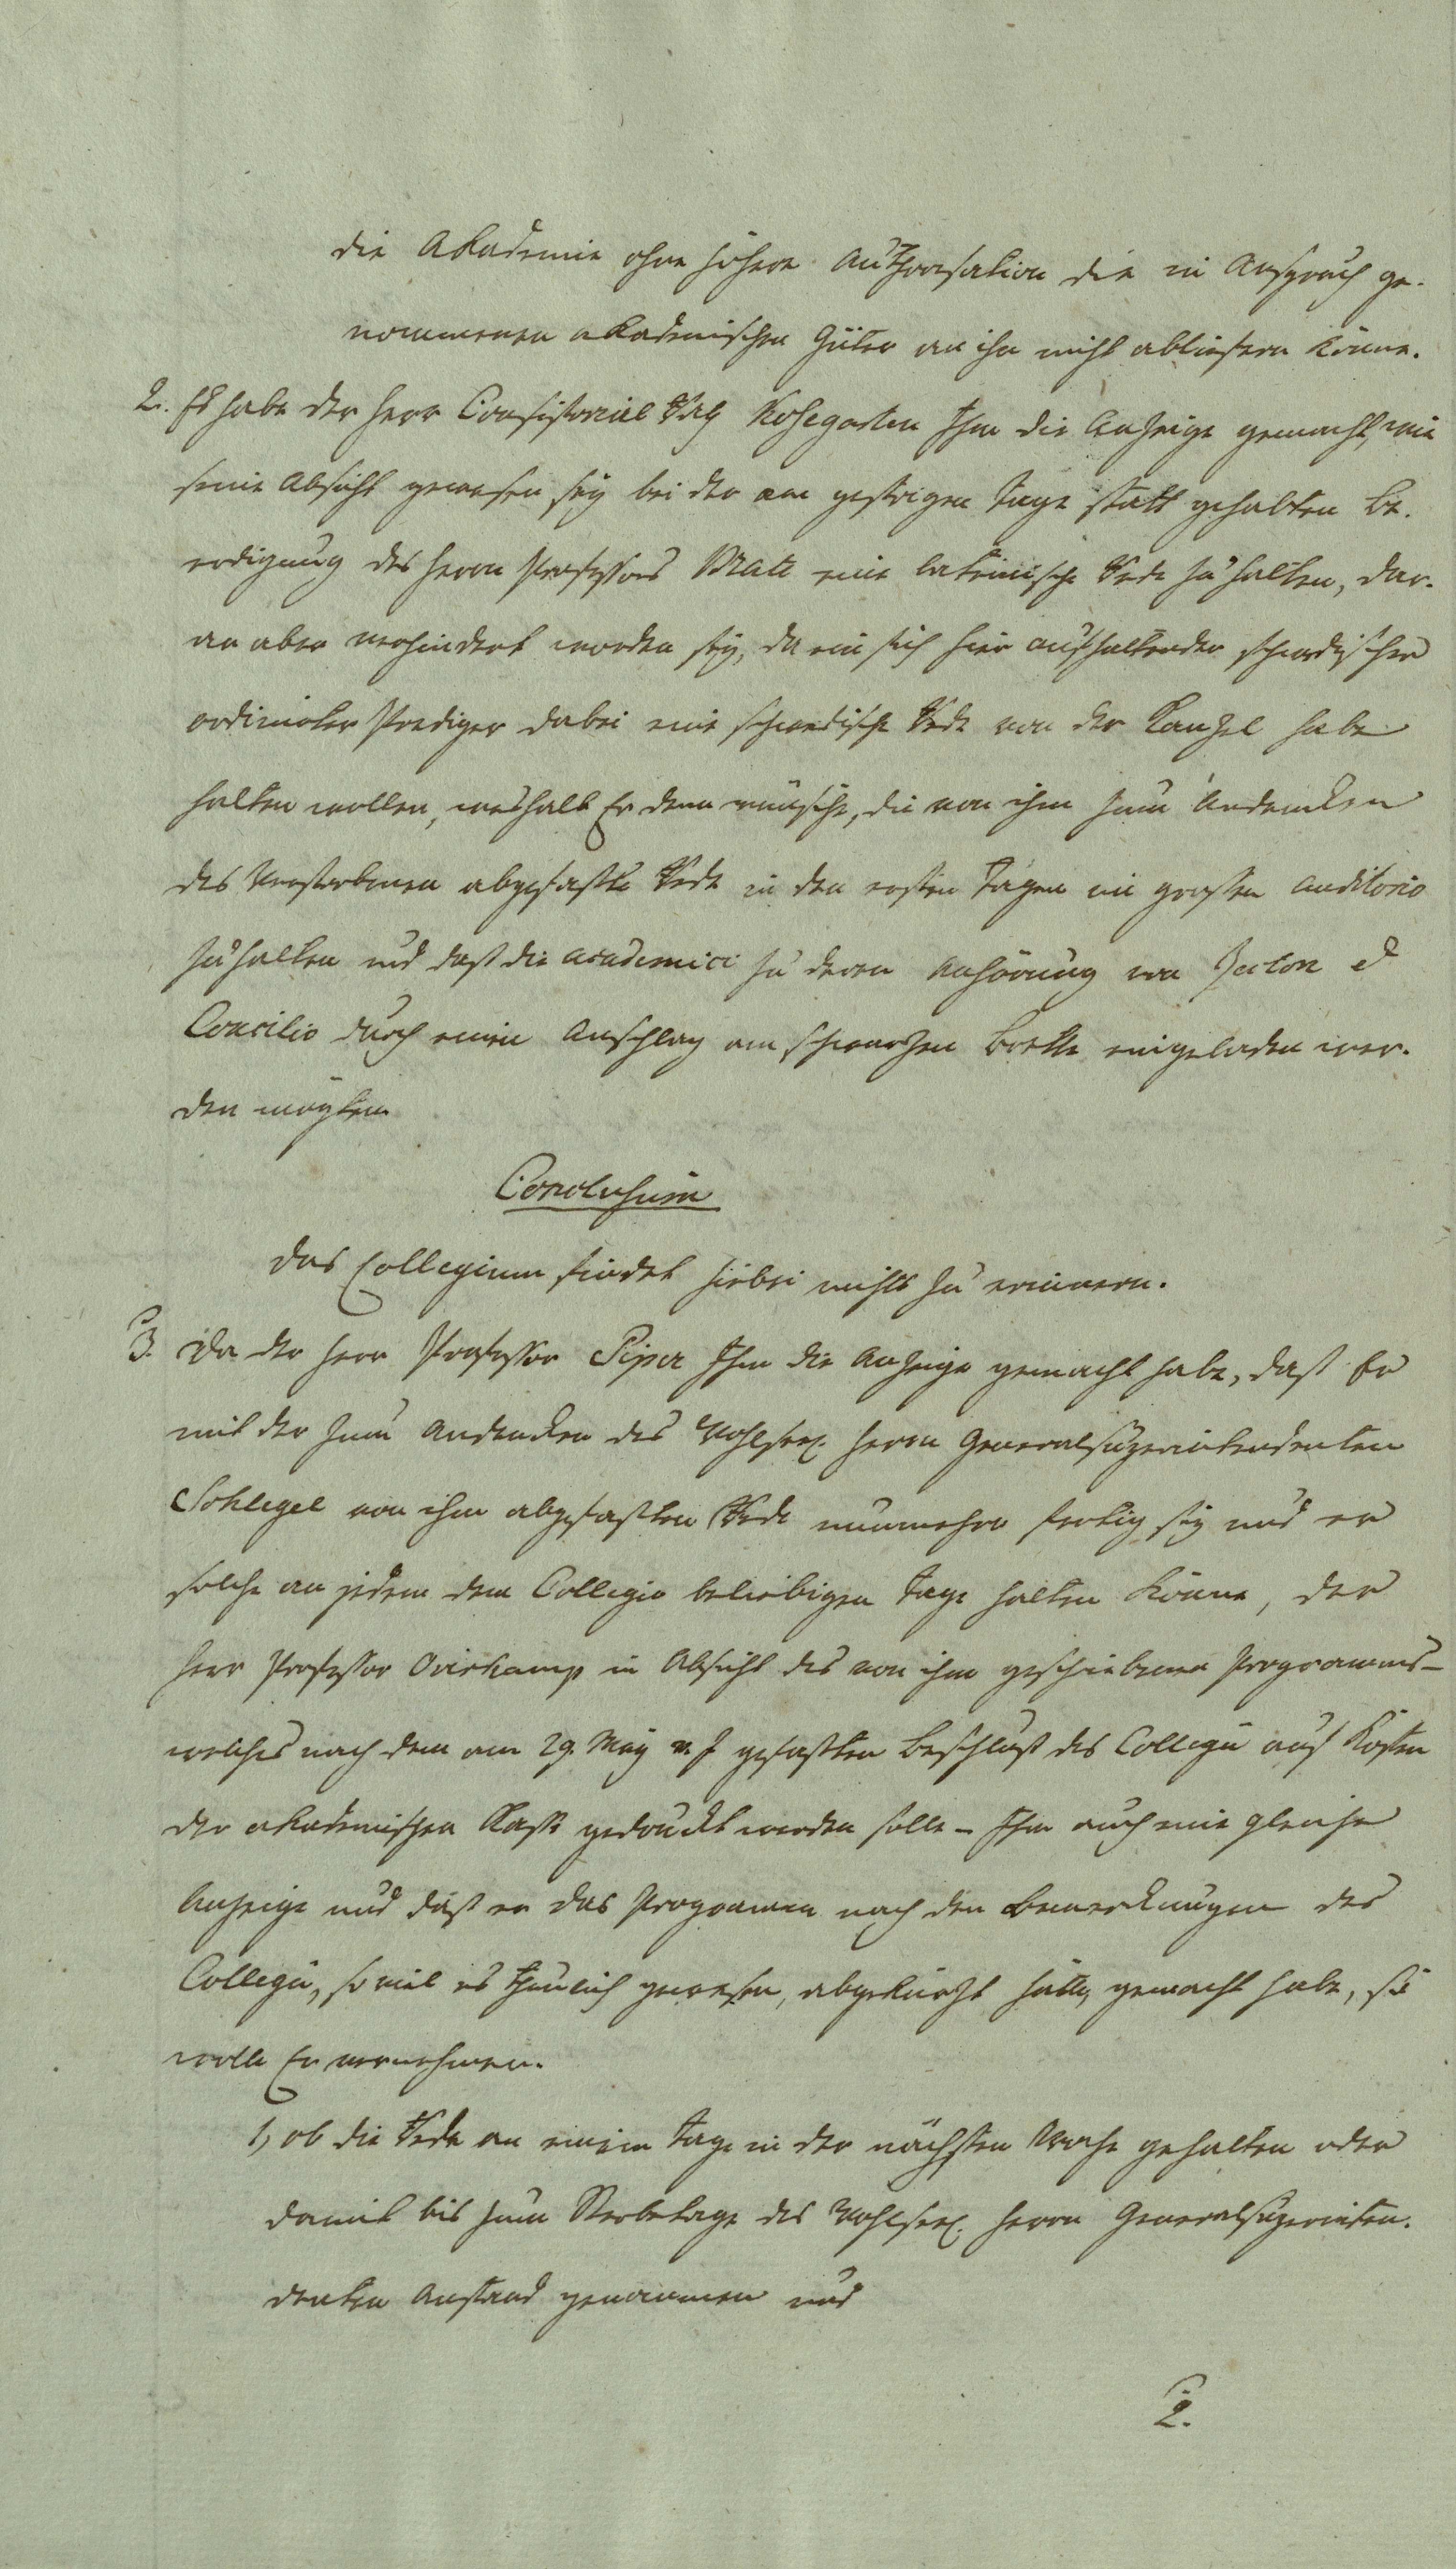die Akademie ohne höhere Authorisation die in Anspruch ge¬
nommenen akademischen Güter an ihn nicht abliefern könne.
2. Es habe der herr Consistorial Rath Kosegarten Ihm die Anzeige gemacht, wie
seine Absicht gewesen seÿ bei der am gestrigen Tage statt gehabten Be¬
erdigung des herrn Professors Bratt eine lateinische Rede zu halten, dar¬
an aber verhindert worden seÿ, da ein sich hier aufhaltender schwedischer
ordinirter Prediger dabei eine schwedische Rede von der Kanzel habe
halten wollen, weshalb Er denn wünsche, die von ihm zum Andencken
des Verstorbenen abgefaßte Rede in den ersten Tagen im großen Auditorio
zu halten und daß die Academici zu deren Anhörung von Rectore et
Concilio durch einen Anschlag am schwarzen Brette eingeladen wer¬
den mögten.
Conclusum
Das Collegium findet hiebei nichts zu erinnern.
3. Da der herr Professor Piper Ihm die Anzeige gemacht habe, daß Er
mit der zum Andencken des Wohlseel. herrn Generalsuperintendenten
Schlegel von ihm abgefaßten Rede nunmehro fertig seÿ und er
solche an jedem dem Collegio beliebigen Tage halten könne, der
herr Professor Overkamp in Absicht des von ihm geschriebenen Programms,
welches nach dem am 29. Maÿ v. J. gefaßten Beschluß des Collegii auf Kosten
der akademischen Kasse gedruckt werden solle, Ihm auch eine gleiche
Anzeige und daß er das Programm nach den Bemerckungen des
Collegii , so viel es thunlich gewesen, abgekürzt hätte, gemacht habe, so
wolle Er vernehmen:
1, ob die Rede an einem Tage in der nächsten Woche gehalten oder
damit bis zum Sterbetage des Wohlseel. herrn Generalsuperinten¬
denten Anstand genommen und
2.